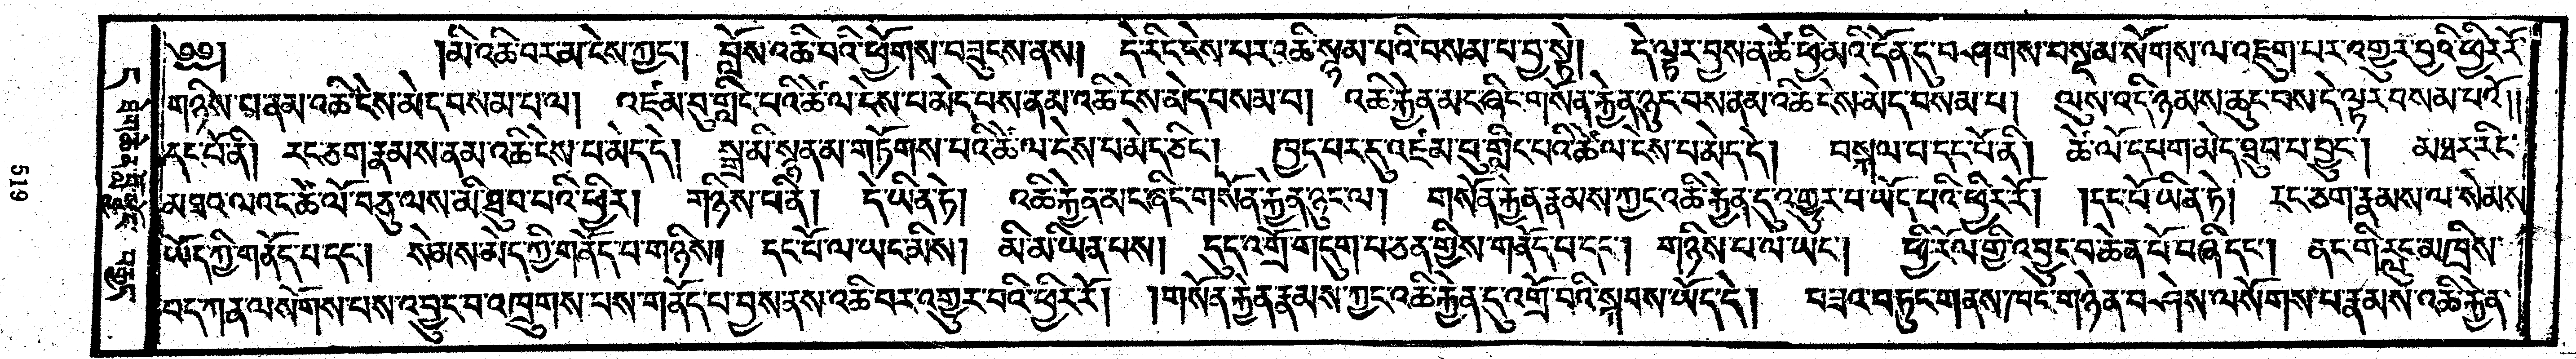༄༅། །མི་འཆི་བར་མ་ངེས་ཀྱང་། བློས་འཆི་བའི་ཕྱོགས་བཟུངས་ནས། དེ་རིང་ངེས་པར་འཆི་སྙམ་པའི་བསམ་པ་བྱ་སྟེ། དེ་ལྟར་བྱས་ན་ཚེ་ཕྱི་མའི་དོན་དུ་བཤགས་བསྔམ་སོགས་ལ་འཇུག་པར་འགྱུར་བྱའི་ཕྱིར་རོ་
གཉིས་པ་ནམ་འཆི་ངེས་མེད་བསམ་པ་ལ། འཛམ་བུ་གླིང་པའི་ཚེ་ལ་ངེས་པ་མེད་པས་ནམ་འཆི་ངེས་མེད་བསམ་པ། འཆི་རྐྱེན་མང་ཞིང་གསོན་རྐྱེན་ཉུང་བས་ནམ་འཆི་ངེས་མེད་བསམ་པ། ལུས་འདི་ཉམས་ཆུང་བས་དེ་ལྟར་བསམ་པའོ། །
དང་པོ་ནི། རང་ཅག་རྣམས་ནམ་འཆི་ངེས་པ་མེད་དེ། སྒྲ་མི་སྙན་མ་གཏོགས་པའི་ཚེ་ལ་ངེས་པ་མེད་ཅིང་། ཁྱད་པར་དུ་འཛམ་བུ་གླིང་པའི་ཚེ་ལ་ངེས་པ་མེད་དེ། བསྐལ་བ་དང་པོ་ནི། ཚེ་ལོ་དཔག་མེད་ཐུབ་པ་བྱུང་། མཐར་རིང་
མཐའ་ལའང་ཚེ་ལོ་བཅུ་ལས་མི་ཐུབ་པའི་ཕྱིར། གཉིས་པ་ནི། དེ་ཡིན་ཏེ། འཆི་རྐྱེན་མང་ཞིང་གསོན་རྐྱེན་ཉུང་ལ། གསོན་རྐྱེན་རྣམས་ཀྱང་འཆི་རྐྱེན་དུ་འགྱུར་པ་ཡོད་པའི་ཕྱིར་རོ། །དང་པོ་ཡིན་ཏེ། རང་ཅག་རྣམས་ལ་སེམས་
ཡོད་ཀྱི་གནོད་པ་དང་། སེམས་མེད་ཀྱི་གནོད་པ་གཉིས། དང་པོ་ལ་ཡང་མིས། མི་མ་ཡིན་པས། དུད་འགྲོ་གདུག་པ་ཅན་གྱིས་གནོད་པ་དང་། གཉིས་པ་ལ་ཡང་། ཕྱི་རོལ་གྱི་འབྱུང་བ་ཆེན་པོ་བཞི་དང་། ནང་གི་རླུང་མཁྲིས་
བད་ཀན་ལ་སོགས་པས་འབྱུང་བ་འཁྲུགས་པས་གནོད་པ་བྱས་ནས་འཆི་བར་འགྱུར་བའི་ཕྱིར་རོ། །གསོན་རྐྱེན་རྣམས་ཀྱང་འཆི་རྐྱེན་དུ་འགོར་བའི་སྐབས་ཡོད་དེ། བཟའ་བཏུང་གནས་ཁང་གཉེན་བཤེས་ལ་སོགས་པ་རྣམས་འཆི་རྐྱེན་